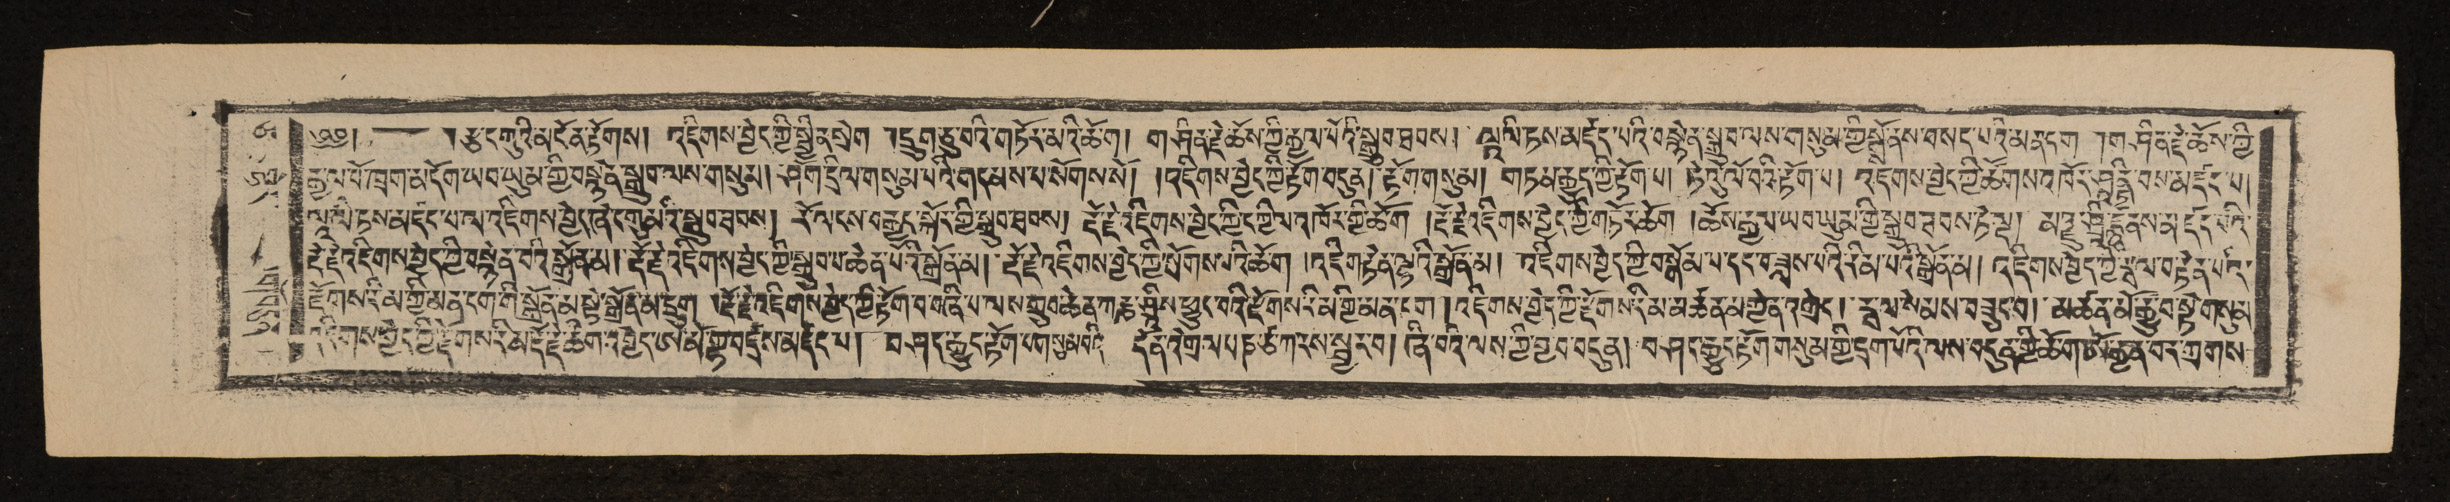༄༅། །རྩ་དགུའི་མངོན་རྟོགས། འཇིགས་བྱེད་ཀྱི་སྦྱིན་སྲེག །དྲུག་ཅུ་བའི་གཏོར་མའི་ཆོ་ག། གཤིན་རྗེ་ཆོས་ཀྱི་རྒྱལ་པོའི་སྒྲུབ་ཐབས། ལཱ་ལི་ཏས་མཛད་པའི་བསྙེན་སྒྲུབ་ལས་གསུམ་གྱི་སྒོ་ནས་བསད་པའི་མན་ངག །གཤིན་རྗེ་ཆོས་ཀྱི་
རྒྱལ་པོ་ཁྲག་མདོག་ཡབ་ཡུམ་གྱི་བསྙེན་སྒྲུབ་ལས་གསུམ། ཤོག་དྲིལ་གསུམ་པའི་གདམས་པ་སོགས་སོ། །འཇིགས་བྱེད་ཀྱི་རྟོག་བདུན། རྟོག་གསུམ། གཏམ་རྒྱུད་ཀྱི་རྟོག་པ། ཏེའུ་ལོ་བའི་རྟོག་པ། འཇིགས་བྱེད་ཀྱི་ཚོགས་འཁོར་ཤཱནྟི་པས་མཛད་པ།
ལཱ་ལི་ཏས་མཛད་པ་ལ་འཇིགས་བྱེད་ཞེ་དགུ་མའི་སྒྲུབ་ཐབས། རོ་ལངས་བརྒྱད་སྐོར་གྱི་སྒྲུབ་ཐབས། རྡོ་རྗེ་འཇིགས་བྱེད་ཀྱི་དཀྱིལ་འཁོར་གྱི་ཆོ་ག །རྡོ་རྗེ་འཇིགས་བྱེད་ཀྱི་གཏོར་ཆོག །ཆོས་རྒྱལ་ཡབ་ཡུམ་གྱི་སྒྲུབ་ཐབས་ཏེ་ལྔ། མཉྫ་ཤྲཱི་ཛྙཱ་ནས་མཛད་པའི་
རྡོ་རྗེ་འཇིགས་བྱེད་ཀྱི་བསྙེན་པའི་སྒྲོན་མ། རྡོ་རྗེ་འཇིགས་བྱེད་ཀྱི་སྒྲུབ་པ་ཆེན་པོའི་སྒྲོན་མ། རྡོ་རྗེ་འཇིགས་བྱེད་ཀྱི་སྤོགས་པའི་ཆོ་ག །འཇིག་རྟེན་ལྷའི་སྒྲོན་མ། འཇིགས་བྱེད་ཀྱི་བསྒོམ་པ་དང་བཟླས་པའི་རིམ་པའི་སྒྲོན་མ། འཇིགས་བྱེད་ཀྱི་རྭ་ལ་བརྟེན་པའི་
རྫོགས་རིམ་གྱི་མན་ངག་གི་སྒྲོན་མ་སྟེ་སྒྲོན་མ་དྲུག །རྡོ་རྗེ་འཇིགས་བྱེད་ཀྱི་རྟོག་པ་བཞི་པ་ལས་གྲུབ་ཆེན་ཀརྞ་ཤྲཱིས་ཕྱུང་བའི་རྫོགས་རིམ་གྱི་མན་ངག །འཇིགས་བྱེད་ཀྱི་རྫོགས་རིམ་མཚན་མ་གྱེན་འགྲེང་། རྭ་ལ་སེམས་བཟུང་བ། མཚན་མོ་རྒྱུ་བ་སྟེ་གསུམ་
འཇིགས་བྱེད་ཀྱི་རྫོགས་རིམ་རྡོ་རྗེ་ཚིག་འབྱེད་ཨ་མོ་གྷ་བཛྲས་མཛད་པ། བཤད་རྒྱུད་རྟོག་པ་གསུམ་པའི་དོན་འགྲེལ་པཎ་ཙ་ཀ་རས་སྦྱར་བ། ཞི་བའི་ལས་ཀྱི་བྱ་བ་བདུན། བཤད་རྒྱུད་རྟོག་གསུམ་གྱི་དྲག་པོའི་ལས་བདུན་གྱི་ཆོ་ག་ཨོ་རྒྱན་པར་གྲགས་